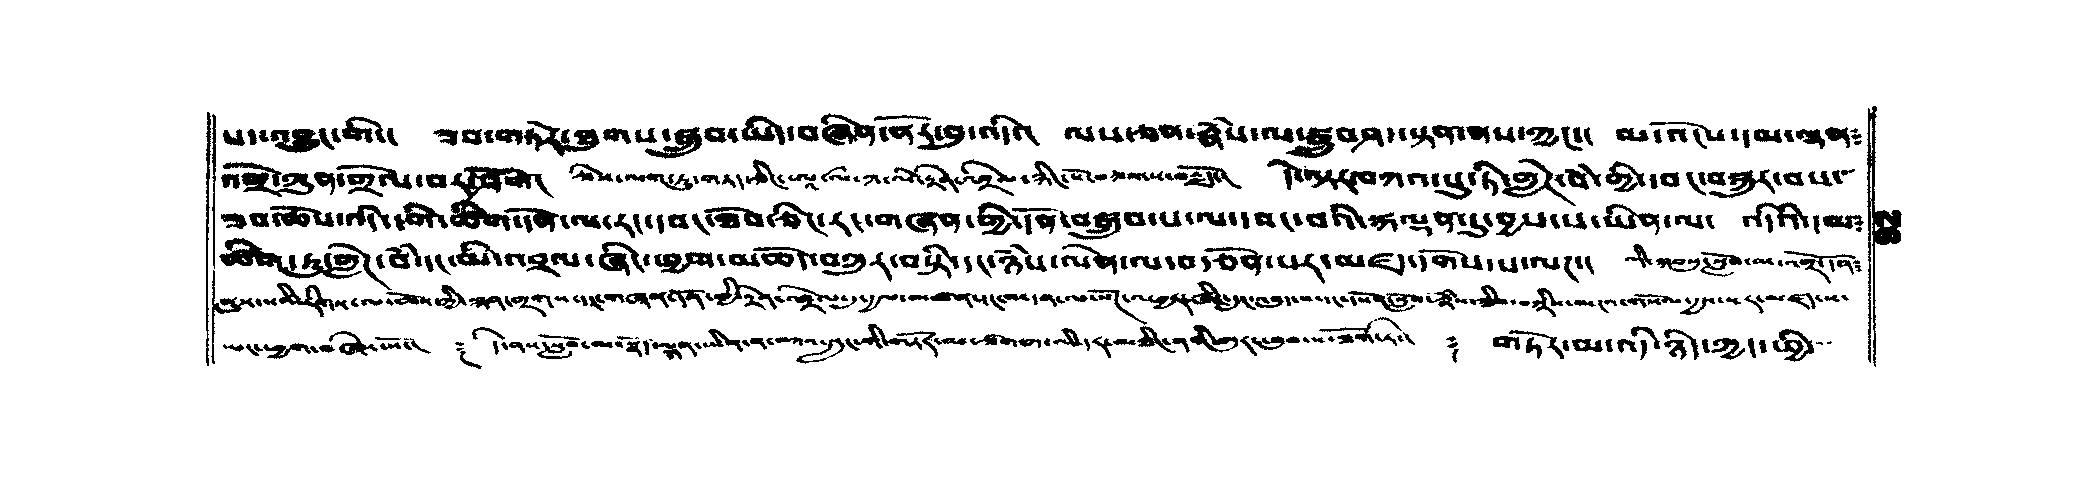པད་འབྱུང་གི་ཟབ་གཏེར་ཐུགས་སྒྲུབ་ཡིད་བཞིན་ནོར་བུ་འདི། །ལས་ཅན་རྣམས་ལ་སྒྲུབ་བཤད་བསྟན་ནས་ཀྱང་། །མ་འོངས་དམ་ལྡན་
འགྲོ་ཀུན་གྲོལ་བར་ཤོག་ཅེས་ལག་ཏུ་གཏད་ཅིང་ཨཱ་ལི་ཀ་ལི་རྟེན་འབྲེལ་སྙིང་པོ་བཅས་པ་བརྗོད།དེ་ལྟར་བཀའ་པུ་ཏི་གླེགས་བམ་གྱི་དབང་བསྐུར་བས་
ཟབ་ཆོས་འདི་དག་གི་ཚིག་དོན་ལ་རང་དབང་ཐོབ་ཅིང་རང་གཞན་གྱི་བསྒྲུབ་པ་ལ་དབང་བའི་སྐལ་ལྡན་དུ་བྱས་པ་ཡིན་ལ། འདིའི་དམ་
ཚིག་ཏུ་གླེགས་བམ་དང་མི་འབྲལ་ཞིང་ཕྱག་མཆོད་བཀུར་བསྟི་དང་ཉམས་ལེན་ལ་བརྩོན་པར་མཛད་དགོས་པ་ལགས། འདི་སྐབས་སློབ་མ་འགྲོ་དོན་
ནུས་པའི་རིགས་ལ་ཆོས་ཀྱི་སྙན་གྲགས་དང་གཞན་དོན་གྱི་རྟེན་འབྲེལ་དུ་རྒྱལ་མཚན་དང་བ་དན་ལ་སོགས་འཕྱར་ཞིང་དུང་འབུད་པ་དང་སློབ་དཔོན་རྣམས་ཀྱིས་བཀྲ་ཤིས་མངའ་གསོལ་རྒྱས་པར་མཛད་པ་
ཡང་ཕྱག་བཞེས་སོ། ༈ དེ་ནས་སློབ་མ་སྣོད་ལྡན་ཡིན་ན་བཀའ་སྲུང་གི་གཏོར་མ་ཙག་ག་ལི་དར་མཐིང་ནག་གི་གུར་ཕུབ་པ་ཐོག་སྟེ། ༈ གཏོར་མ་འདི་ཉིད་ཀྱང་ཕྱི་